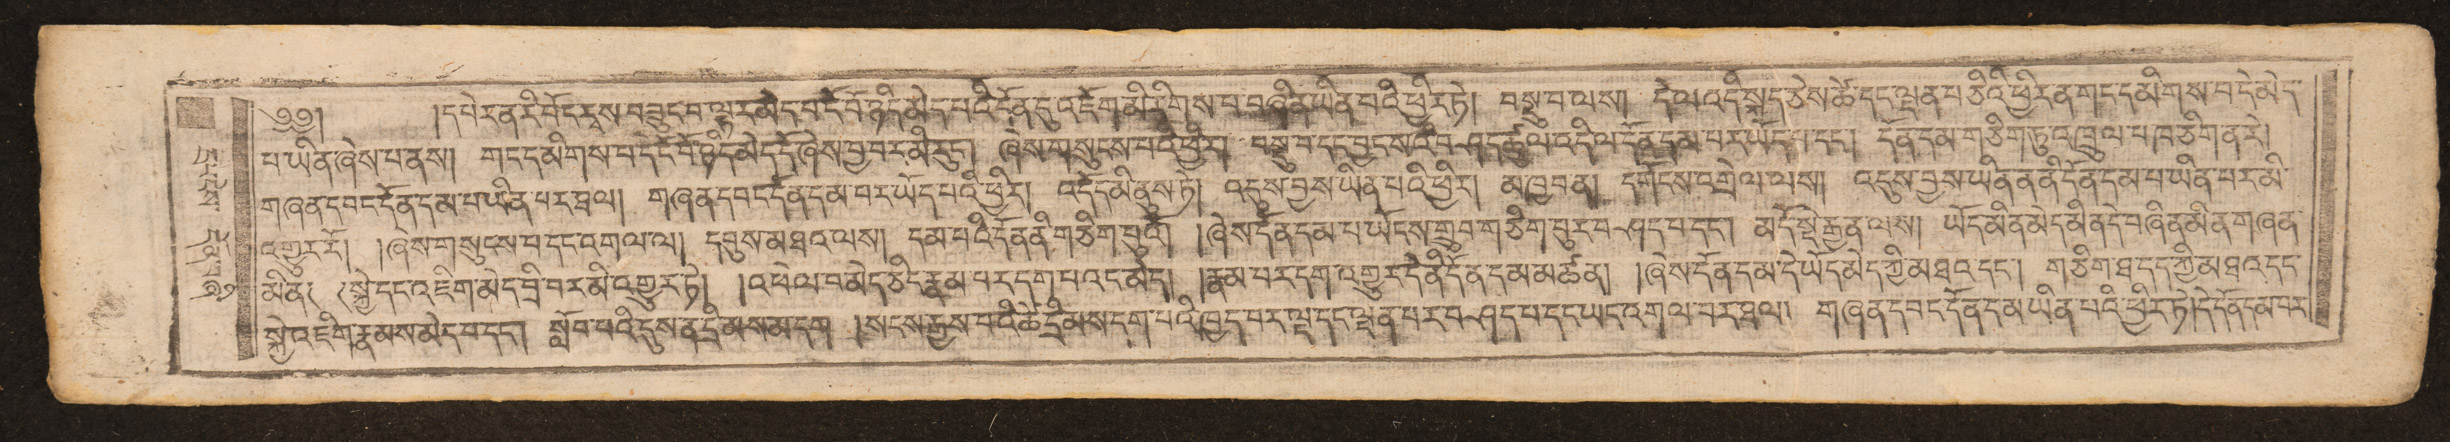༄༅། །དཔེར་ན་རི་བོང་རྭས་བཟུང་བ་ལྟར་མེད་པ་ངོ་བོ་ཉིད་མེད་པའི་དོན་དུ་འཇོག་མི་རིགས་པ་བཞིན་ཡིན་པའི་ཕྱིར་ཏེ། བསྡུ་བ་ལས། དེ་ལ་འདི་སྐད་ཅེས་ཚེ་དང་ལྡན་པ་ཅིའི་ཕྱིར་ན་གང་དམིགས་པ་དེ་མེད་
པ་ཡིན་ཞེས་པ་ནས། གང་དམིགས་པ་དེ་ངོ་བོ་ཉིད་མེད་དོ་ཞེས་བྱ་བར་མི་རུང་། ཞེས་གསུངས་པའི་ཕྱིར། བསྡུ་བ་དང་བྱང་སའི་བཤད་ཚུལ་འདི་ལ་དོན་དམ་པར་ཡོད་པ་དང་། དོན་དམ་གཅིག་ཏུ་འཁྲུལ་པ་ཁ་ཅིག་ན་རེ།
གཞན་དབང་དོན་དམ་པ་ཡིན་པར་ཐལ། གཞན་དབང་དོན་དམ་པར་ཡོད་པའི་ཕྱིར། འདོད་མི་ནུས་ཏེ། འདུས་བྱས་ཡིན་པའི་ཕྱིར། མ་ཁྱབ་ན། དགོངས་འགྲེལ་ལས། འདུས་བྱས་ཡིན་ན་ནི་དོན་དམ་པ་ཡིན་པར་མི་
འགྱུར་རོ། །ཞེས་གསུངས་པ་དང་འགལ་ལ། དབུས་མཐའ་ལས། དམ་པའི་དོན་ནི་གཅིག་པུའོ། །ཞེས་དོན་དམ་པ་ཡོངས་གྲུབ་གཅིག་པུར་བཤད་པ་དང་། མདོ་སྡེ་རྒྱན་ལས། ཡོད་མིན་མེད་མིན་དེ་བཞིན་མིན་གཞན་
མིན༑ ༑སྐྱེ་དང་འཇིག་མེད་བྲི་བར་མི་འགྱུར་ཏེ། །འཕེལ་བ་མེད་ཅིང་རྣམ་པར་དག་པའང་མེད། །རྣམ་པར་དག་འགྱུར་དེ་ནི་དོན་དམ་མཚན། །ཞེས་དོན་དམ་དེ་ཡོད་མེད་ཀྱི་མཐའ་དང་། གཅིག་ཐ་དད་ཀྱི་མཐའ་དང་
སྐྱེ་འཇིག་རྣམས་མེད་པ་དང་། སློབ་པའི་དུས་ན་དྲི་མས་མ་དག །སངས་རྒྱས་པའི་ཚེ་དྲི་མས་དག་པའི་ཁྱད་པར་ལྔ་དང་ལྡན་པར་བཤད་པ་དང་ཡང་འགལ་པར་ཐལ། གཞན་དབང་དོན་དམ་ཡིན་པའི་ཕྱིར་ཏེ། དེ་དོན་དམ་པར་